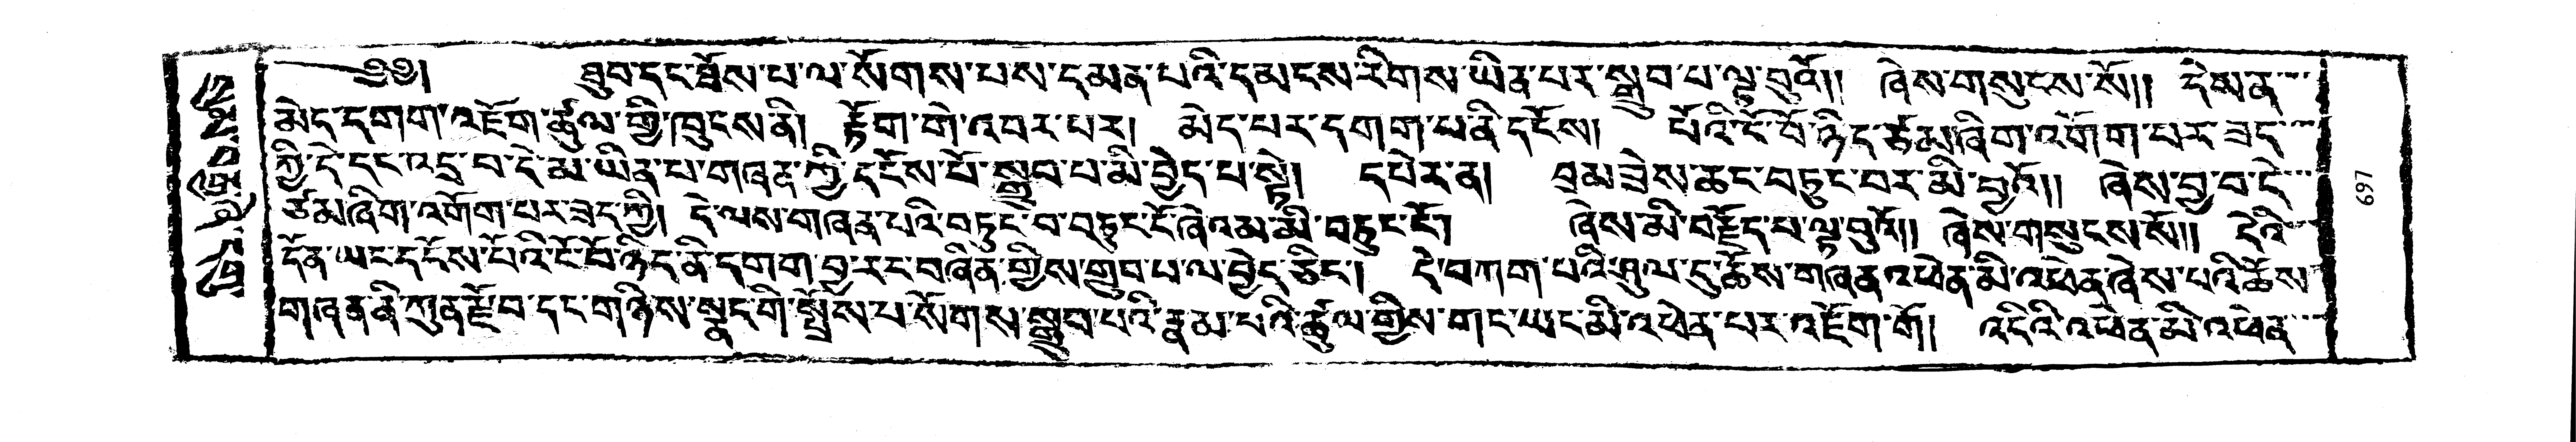༄༅། །ཐུབ་དང་ཐོས་པ་ལ་སོགས་པས་དམན་པའི་དམངས་རིགས་ཡིན་པར་སྒྲུབ་པ་ལྟ་བུའོ།། ཞེས་གསུངས་སོ།། དེས་ན་
མེད་དགག་འཇོག་ཚུལ་གྱི་ཁུངས་ནི། རྟོག་གེ་འབར་པར། མེད་པར་དགག་པ་ནི་དངོས། པོའི་ངོ་བོ་ཉིད་ཙམ་ཞིག་འགོག་པར་ཟད་
ཀྱི་དེ་དང་འདྲ་བ་དེ་མ་ཡིན་པ་གཞན་གྱི་དངོས་པོ་སྒྲུབ་པ་མི་བྱེད་པ་སྟེ། དཔེར་ན། བྲམ་ཟེས་ཆང་བཏུང་བར་མི་བྱའོ།། ཞེས་བྱ་བ་དེ་
ཙམ་ཞིག་འགོག་པར་ཟད་ཀྱི། དེ་ལས་གཞན་པའི་བཏུང་བ་བཏུང་ངོ་ཞེའམ་མི་བཏུང་ངོ། ཞེས་མི་བརྗོད་པ་ལྟ་བུའོ།། ཞེས་གསུངས་སོ།། དེའི་
དོན་ཡང་དངོས་པོའི་ངོ་བོ་ཉིད་ནི་དགག་བྱ་རང་བཞིན་གྱིས་གྲུབ་པ་ལ་བྱེད་ཅིང་། དེ་བཀག་པའི་ཤུལ་དུ་ཆོས་གཞན་འཕེན་མི་འཕེན་ཞེས་པའི་ཆོས་
གཞན་ནི་ཀུན་རྫོབ་དང་གཉིས་སྣང་གི་སྤྲོས་པ་སོགས་སྒྲུབ་པའི་རྣམ་པའི་ཚུལ་གྱིས་གང་ཡང་མི་འཕེན་པར་འཇོག་གོ། འདིའི་འཕེན་མི་འཕེན་